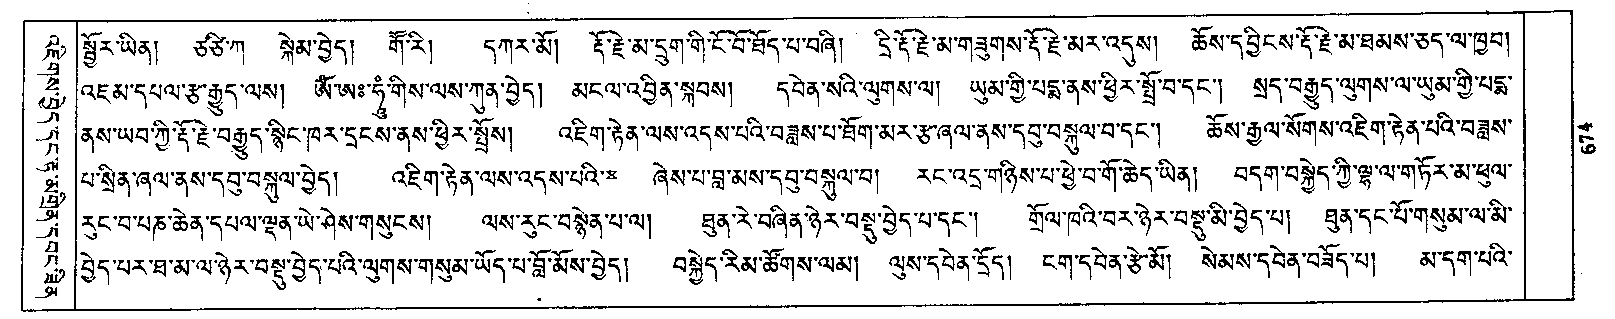སྦྱོར་ཡིན། ཙ་ཙི་ཀ་སྐེམ་བྱེད། གཽ་རི། དཀར་མོ། རྡོ་རྗེ་མ་དྲུག་གི་ངོ་བོ་ཐོད་པ་བཞི། དྲི་རྡོ་རྗེ་མ་གཟུགས་རྡོ་རྗེ་མར་འདུས། ཆོས་དབྱིངས་རྡོ་རྗེ་མ་ཐམས་ཅད་ལ་ཁྱབ།
འཇམ་དཔལ་རྩ་རྒྱུད་ལས། ཨོཾ་ཨཿ ཧཱུཾ་གིས་ལས་ཀུན་བྱེད། མངལ་འབྱིན་སྐབས། དབེན་སའི་ལུགས་ལ། ཡུམ་གྱི་པདམ་ནས་ཕྱིར་སྤྲོ་བ་དང་། སྲད་བརྒྱུད་ལུགས་ལ་ཡུམ་གྱི་པདམ་
ནས་ཡབ་ཀྱི་རྡོ་རྗེ་བརྒྱུད་སྙིང་ཁར་དྲངས་ནས་ཕྱིར་སྤྲོས། འཇིག་རྟེན་ལས་འདས་པའི་བཟླས་པ་ཐོག་མར་རྩ་ཞལ་ནས་དབུ་བསྐུལ་བ་དང་། ཆོས་རྒྱལ་སོགས་འཇིག་རྟེན་པའི་བཟླས་
པ་སྲིན་ཞལ་ནས་དབུ་བསྐུལ་བྱེད། འཇིག་རྟེན་ལས་འདས་པའི་྾་ཞེས་པ་བླ་མས་དབུ་བསྐུལ་བ། རང་འདྲ་གཉིས་པ་ཕྱེ་བ་གོ་ཆེད་ཡིན། བདག་བསྐྱེད་ཀྱི་ལྷ་ལ་གཏོར་མ་ཕུལ་
རུང་བ་པཎ་ཆེན་དཔལ་ལྡན་ཡེ་ཤེས་གསུངས། ལས་རུང་བསྙེན་པ་ལ། ཐུན་རེ་བཞིན་ཉེར་བསྡུ་བྱེད་པ་དང་། གྲོལ་ཁའི་བར་ཉེར་བསྡུ་མི་བྱེད་པ། ཐུན་དང་པོ་གསུམ་ལ་མི་
བྱེད་པར་ཐ་མ་ལ་ཉེར་བསྡུ་བྱེད་པའི་ལུགས་གསུམ་ཡོད་པ་བློ་མོས་བྱེད། བསྐྱེད་རིམ་ཚོགས་ལམ། ལུས་དབེན་དྲོད། ངག་དབེན་རྩེ་མོ། སེམས་དབེན་བཟོད་པ། མ་དག་པའི་